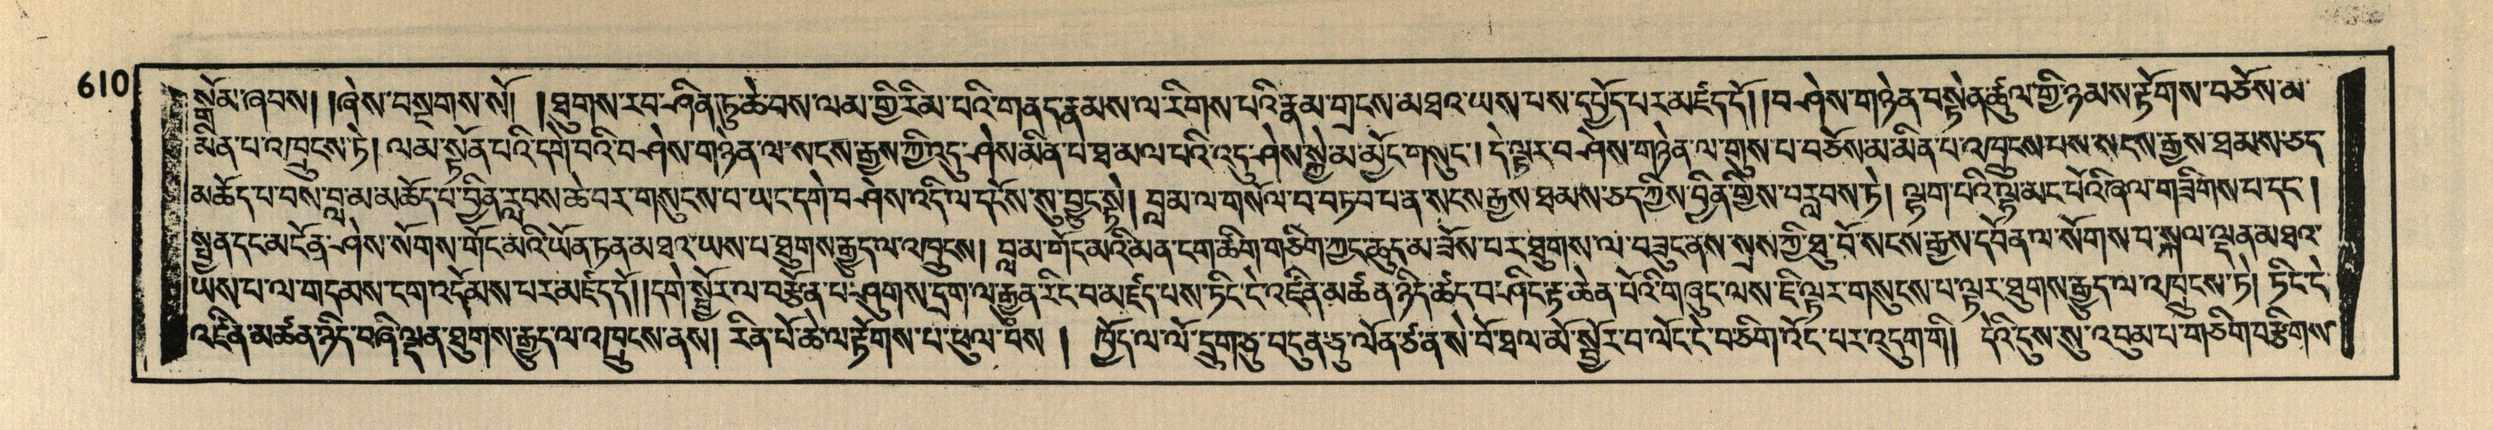སྒོམ་ཞབས། །ཞེས་བསྔགས་སོ། །ཐུགས་རབ་ཤིན་ཏུ་ཆེ་བས་ལམ་གྱི་རིམ་པའི་གནད་རྣམས་ལ་རིགས་པའི་རྣམ་གྲངས་མཐའ་ཡས་པས་དཔྱོད་པར་མཛད་དོ། །བཤེས་གཉེན་བསྟེན་ཚུལ་གྱི་ཉམས་རྟོགས་བཅོས་མ་
མིན་པ་འཁྲུངས་ཏེ། ལམ་སྟོན་པའི་དགེ་བའི་བཤེས་གཉེན་ལ་སངས་རྒྱས་ཀྱི་འདུ་ཤེས་མིན་པ་ཐ་མལ་པའི་འདུ་ཤེས་སྐྱེ་མ་མྱོང་གསུང་། དེ་ལྟར་བཤེས་གཉེན་ལ་གུས་པ་བཅོས་མ་མིན་པ་འཁྲུངས་པས་སངས་རྒྱས་ཐམས་ཅད་
མཆོད་པ་བས་བླ་མ་མཆོད་པ་བྱིན་རླབས་ཆེ་བར་གསུངས་པ་ཡང་དགེ་བཤེས་འདི་ལ་དངོས་སུ་བྱུང་སྟེ། བླ་མ་ལ་གསོལ་བ་བཏབ་པ་ན་སངས་རྒྱས་ཐམས་ཅད་ཀྱིས་བྱིན་གྱིས་བརླབས་ཏེ། ལྷག་པའི་ལྷ་མང་པོའི་ཞལ་གཟིགས་པ་དང་།
སྤྱན་དང་མངོན་ཤེས་སོགས་གོང་མའི་ཡོན་ཏན་མཐའ་ཡས་པ་ཐུགས་རྒྱུད་ལ་འཁྲུངས། བླ་མ་གོང་མའི་མན་ངག་ཚིག་གཅིག་ཀྱང་ཆུད་མ་ཟོས་པར་ཐུགས་ལ་བཟུང་ནས་སྲས་ཀྱི་ཐུ་བོ་སངས་རྒྱས་དབོན་ལ་སོགས་པ་སྐལ་ལྡན་མཐའ་
ཡས་པ་ལ་གདམས་ངག་འདོམས་པར་མཛད་དོ། །དགེ་སྦྱོར་ལ་བརྩོན་པ་ཤུགས་དྲག་ལ་རྒྱུན་རིང་བ་མཛད་པས་ཏིང་ངེ་འཛིན་མཚན་ཉིད་ཚད་བ་ཤིང་རྟ་ཆེན་པོའི་གཞུང་ལས་ཇི་ལྟར་གསུངས་པ་ལྟར་ཐུགས་རྒྱུད་ལ་འཁྲུངས་ཏེ། ཏིང་ངེ་
འཛིན་མཚན་ཉིད་བཞི་ལྡན་ཐུགས་རྒྱུད་ལ་འཁྲུངས་ནས། རིན་པོ་ཆེ་ལ་རྟོགས་པ་ཕུལ་བས། ཁྱོད་ལ་ལོ་དྲུག་ཅུ་བདུན་ཅུ་ལོན་ཙ་ན་སེ་བོ་ཐལ་མོ་སྦྱོར་བ་ལོང་ངེ་བ་ཅིག་འོང་པར་འདུག་གི། དེའི་དུས་སུ་འབུམ་པ་གཅིག་བརྩིགས་